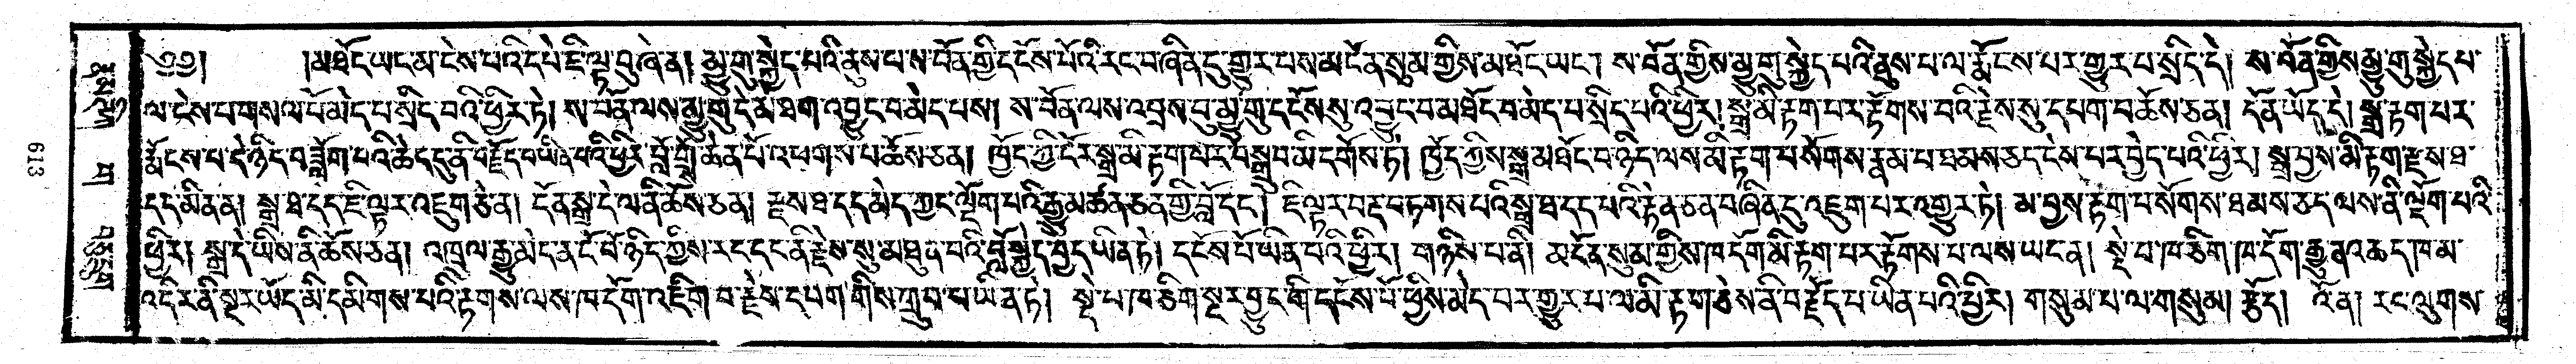༄༅། །མཐོང་ཡང་མ་ངེས་པའི་དཔེ་ཇི་ལྟ་བུ་ཞེ་ན། མྱུ་གུ་སྐྱེད་པའི་ནུས་པ་ས་བོན་གྱི་དངོས་པོའི་རང་བ་ཞིན་དུ་གྱུར་པས་མངོན་སུམ་གྱིས་མཐོང་ཡང་། ས་བོན་གྱིས་མྱུ་གུ་སྐྱེད་པའི་ནུས་པ་ལ་རྨོངས་པར་གྱུར་པ་སྲིད་དེ། ས་བོན་གྱིས་མྱུ་གུ་སྐྱེད་པ་
ལ་ངེས་པ་གསལ་པོ་མེད་པ་སྲིད་པའི་ཕྱིར་ཏེ། ས་བོན་ལས་མྱུ་གུ་དེ་མ་ཐག་འབྱུང་བ་མེད་པས། ས་བོན་ལས་འབྲས་བུ་མྱུ་གུ་དངོས་སུ་འབྱུང་བ་མཐོང་བ་མེད་པ་སྲིད་པའི་ཕྱིར། སྒྲ་མི་རྟག་པར་རྟོགས་པའི་རྗེས་སུ་དཔག་བ་ཆོས་ཅན། དོན་ཡོད་དེ། སྒྲ་རྟག་པར་
རྨོངས་པ་དེ་ཉིད་བཟློག་པའི་ཆེད་དུ་ནི་བརྗོད་པ་ཡིན་པའི་ཕྱིར་བློ་གྲོས་ཆེན་པོ་འཕགས་པ་ཆོས་ཅན། ཁྱོད་ཀྱི་ངོར་སྒྲ་མི་རྟག་པར་བསྒྲུབ་མི་དགོས་ཏེ། ཁྱོད་ཀྱིས་སྒྲ་མཐོང་བ་ཉིད་ལས་མི་རྟག་པ་སོགས་རྣམ་པ་ཐམས་ཅད་ངེས་པར་བྱེད་པའི་ཕྱིར། སྒྲ་བྱས་མི་རྟག་རྫས་ཐ་
དད་མིན་ན། སྒྲ་ཐ་དད་ཇི་ལྟར་འཇུག་ཅེ་ན། དོན་སྒྲ་དེ་ལ་ནི་ཆོས་ཅན། རྫས་ཐ་དད་མེད་ཀྱང་ལྡོག་པའི་རྒྱུ་མཚན་ཅན་གྱི་བློ་དང་། ཇི་ལྟར་བརྡ་བཏགས་པའི་སྒྲ་ཐ་དད་པའི་རྟེན་ཅན་བཞིན་དུ་འཇུག་པར་འགྱུར་ཏེ། མ་བྱས་རྟག་པ་སོགས་ཐམས་ཅད་ལས་ནི་ལྡོག་པའི་
ཕྱིར། སྒྲ་དེ་ཡིས་ནི་ཆོས་ཅན། འཁྲུལ་རྒྱུ་མེད་ན་ངོ་བོ་ཉིད་ཀྱིས་རང་དང་ནི་རྗེས་སུ་མཐུན་པའི་བློ་སྐྱེད་བྱེད་ཡིན་ཏེ། དངོས་པོ་ཡིན་པའི་ཕྱིར། གཉིས་པ་ནི། མངོན་སུམ་གྱིས་ཁ་དོག་མི་རྟག་པར་རྟོགས་པ་ལས་ཡང་ན། སྡེ་པ་ཁ་ཅིག་ཁ་དོག་རྒྱུན་འཆད་ཁ་མ་
འདིར་ནི་སྔར་ཡོད་མི་དམིགས་པའི་རྟགས་ལས་ཁ་དོག་འཇིག་བ་རྗེས་དཔག་གིས་གྲུབ་པ་ཡིན་ཏེ། སྡེ་པ་ཁ་ཅིག་སྔར་བྱུང་གི་དངོས་པོ་ཕྱིས་མེད་པར་གྱུར་པ་ལ་མི་རྟག་ཅེས་ནི་བརྗོད་པ་ཡིན་པའི་ཕྱིར། གསུམ་པ་ལ་གསུམ། རྩོད། འོ་ན། རང་ལུགས་